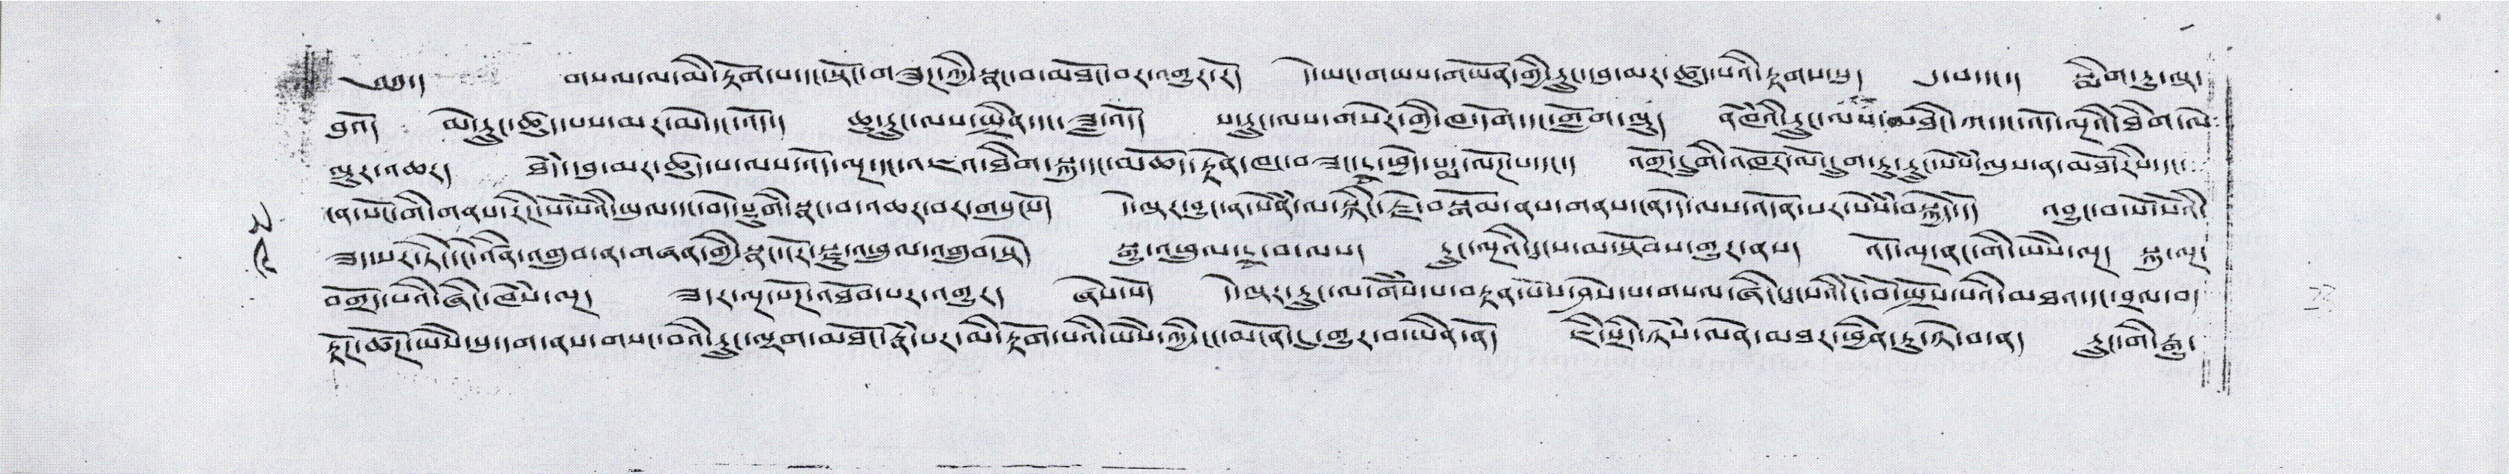གསལ་ལ་མི་རྟོག་པ་དང་སྟོང་གཟུགས་ཀྱི་སྣང་བ་མཐོང་བར་འགྱུར་རོ། དེ་ཡང་གཡས་གཡོན་གྱི་རླུང་དབུ་མར་ཚུད་པའི་རྟགས་སུ། དུ་བ་དང་། སྨྲིག་སྒྱུ་ལྟ་
བུའོ། མེ་རླུང་ཚུད་པས་མར་མེ་དང་འོད། ཆུ་རླུང་ལས་སྤྲིན་དང་ཟླ་བའོ། ས་རླུང་ལས་གསེར་གྱི་ཁ་དོག་དང་གློག་ལྟ་བུ། ནམ་མཁའི་རླུང་ལས་མཐིང་ཀ་དང་འོད་ལྔའི་ཐིག་ལེ་
ལྟ་བུར་འཆར། ཐམས་ཅད་དབུ་མར་ཚུད་པ་ལས་འོད་ལྔ་དང་འཇའ་ཐིག་སྐུ་དང་མཆོད་རྟེན་ཁང་བཟང་དྲྭ་ཕྱེད་པདྨ་ལ་སོགས་པ་དང་། འགྲོ་དྲུག་གི་འཁོར་ལོ་དྲུག་ཏུ་རླུང་སེམས་ལུས་ན་མཐོ་རིས་དང་། 
ངན་སོང་གི་གནས་རིགས་སོ་སོའི་ཡུལ་དང་བདེ་སྡུག་གི་སྣང་བ་འཆར་བར་གསུངས་སོ། དེ་ལྟར་བྱུང་ན་སེམས་ཅན་ལ་སྙིང་རྗེ་བསྒོམ་ནས་གནས་ངན་དེ་ལས་འདོན་པར་སེམས་བསྐྱེད་དོ། འབྱུང་བ་སོ་སོའི་
ཟད་པར་ཏིང་ངེ་འཛིན་འགྲུབ་ན་གཞན་གྱི་སྣང་ངོར་རྫུ་འཕྲུལ་འགྲུབ་སྟེ། སྒྱུ་འཕྲུལ་དྲྭ་བ་ལས། རླུང་ལྔའི་དྭངས་མ་སྟོབས་གྱུར་ནས། འོད་ལྔ་ནང་གི་ཡེ་ཤེས་ལྔ། སྐུ་ལྔ་
བགྲོད་པའི་ཞིང་ཁམས་ལྔ། ཟད་པར་ལྔ་སོགས་འཐོབ་པར་འགྱུར། ཞེས་སོ། དེ་ལྟར་རླུང་ལ་གོམས་པ་བརྟན་པོས་ཤེས་པ་གསལ་ཞིང་དྭང་བའི་ངོ་བོ་སྤྲོས་པའི་མཐའ་དང་བྲལ་བ་
རྟོག་ཚོགས་ཡེ་ཤེས་སུ་དག་ནས་གསང་བའི་རླུང་ལྷག་མཐོང་རྣམ་པར་མི་རྟོག་པའི་ཡེ་ཤེས་ཀྱི་ངང་མངོན་དུ་གྱུར་པ་ཡིན་ནོ། ཇི་སྲིད་ཉམས་ལེན་མཐར་ཕྱིན་དུ་ཉེ་བ་ན། རླུང་གི་རྒྱུ་